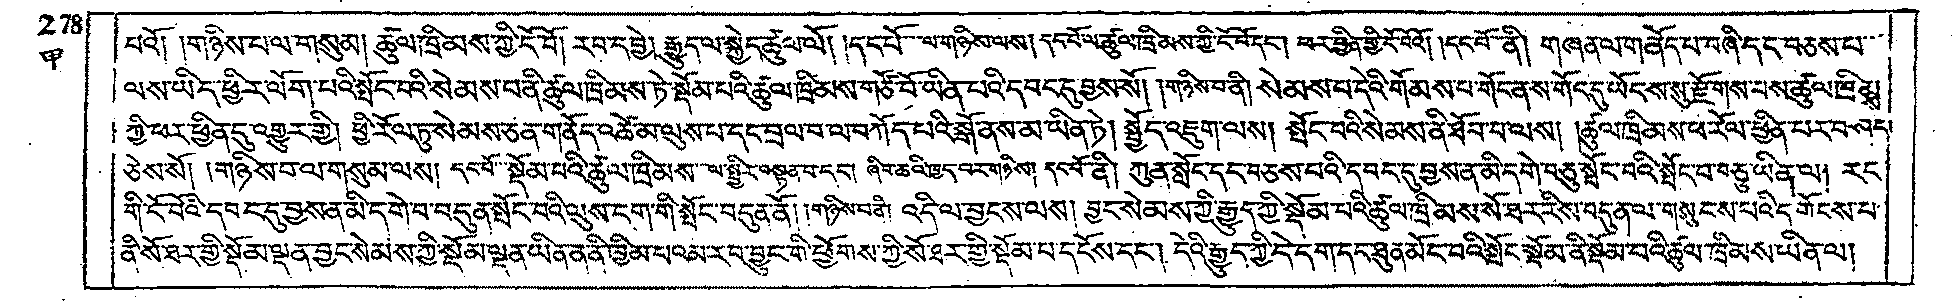པའོ། །གཉིས་པ་ལ་གསུམ། ཚུལ་ཁྲིམས་ཀྱི་ངོ་བོ། རབ་དབྱེ། རྒྱུད་ལ་སྐྱེད་ཚུལ་ལོ། །དང་པོལ་གཉིས་ལས། དང་པོ་ལ་ཚུལ་ཁྲིམས་ཀྱི་ངོ་བོ་དང་། ཕར་ཕྱིན་གྱི་ངོ་བོའོ། །དང་པོནི། གཞན་ལ་གནོད་པ་བཞི་དང་བཅས་པ་
ལས་ཡིད་ཕྱིར་ལོག་པའི་སྤོང་བའི་སེམས་པ་ནི་ཚུལ་ཁྲིམས་ཏེ་སྡོམ་པའི་ཚུལ་ཁྲིམས་གཙོ་བོ་ཡིན་པའི་དབང་དུ་བྱས་སོ། །གཉིས་པ་ནི།  སེམས་པ་དེའི་གོམས་པ་གོང་ནས་གོང་དུ་ཡོངས་སུ་རྫོགས་པས་ཚུལ་ཁྲིམས་
ཀྱི་ཕར་ཕྱིན་དུ་འགྱུར་གྱི། ཕྱི་རོལ་ཏུ་སེམས་ཅན་གནོད་འཚེ་མ་ལུས་པ་དང་བྲལ་བ་ལ་བཀོད་པའི་སྒོ་ནས་མ་ཡིན་ཏེ། སྦྱོད་འཇུག་ལས། སྤོང་བའི་སེམས་ནི་ཐོབ་པ་ལས། །ཚུལ་ཁྲིམས་ཕ་རོལ་ཕྱིན་པར་བཤད་
ཅེས་སོ། །གཉིས་པ་ལ་གསུམ་ལས། དང་པོསྡོམ་པའི་ཚུལ་ཁྲིམསལ་སྤྱིར་བསྟན་པ་དང་། ཞིབ་ཆའི་ཁྱད་པར་གཉིས། དང་པོནི། ཀུན་སློང་དང་བཅས་པའི་དབང་དུ་བྱས་ན་མི་དགེ་བཅུ་སྤོང་བའི་སྤོང་བ་བཅུ་ཡིན་ལ། རང་
གི་ངོ་བོའི་དབང་དུ་བྱས་ན་མི་དགེ་བ་བདུན་སྤོང་བའི་ལུས་ངག་གི་སྤོང་བདུན་ནོ། གཉིས་པ་ནི།  འདི་ལ་བྱང་ས་ལས། བྱང་སེམས་ཀྱི་རྒྱུད་ཀྱི་སྡོམ་པའི་ཚུལ་ཁྲིམས་སོ་ཐར་རིས་བདུན་ལ་གསུངས་པའི་དགོངས་པ་
ནི་སོ་ཐར་གྱི་སྡོམ་ལྡན་བྱང་སེམས་ཀྱི་སྡོམ་ལྡན་ཡིན་ན་ནི་ཁྱིམ་པའམ་རབ་བྱུང་གི་ཕྱོགས་ཀྱི་སོ་ཐར་གྱི་སྡོམ་པ་དངོས་དང་། དེའི་རྒྱུད་ཀྱི་དེ་དག་དང་ཐུན་མོང་བའི་སྤོང་སྡོམ་ནི་སྡོམ་པའི་ཚུལ་ཁྲིམས་ཡིན་ལ།